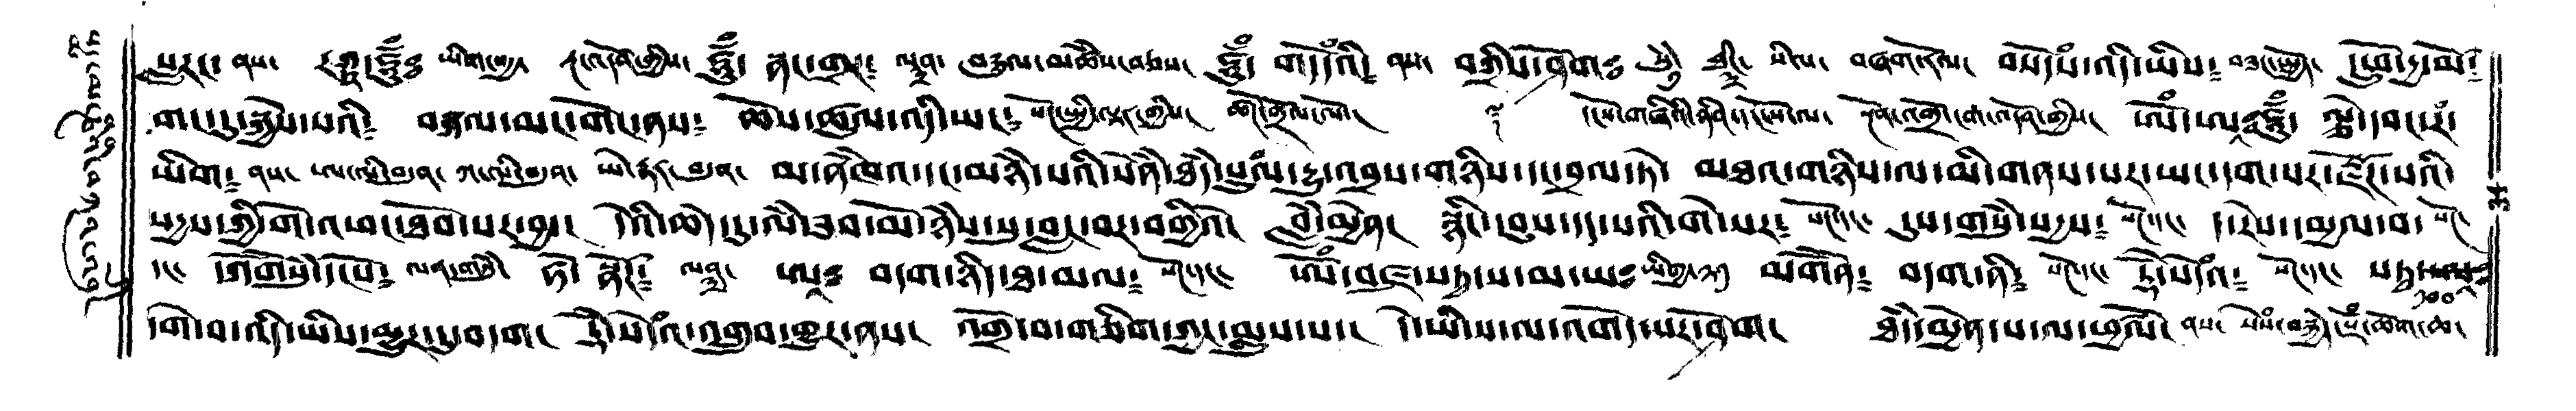སླར་ཡང༴ ནས། རཀྵ་ཧཱུྃཿ ཡིག་བརྒྱ། རྔ་འདོན་གྱིས། ཧཱུྃཿ སྣང་གྲགས༴ ལན་གསུམ། བསྐུལ་མཚམས་བཅས། ཧཱུྃཿ གདོད་མའི༴ ནས། བཀྲིས་ཤོགཿ སུམ་གཅིག ཐིང་གསུམ། སིལ། བཞག་རོལ། བསོད་ནམས་འདི་ཡིས༴ བཟང་སྤྱོད། དངོས་གྲུབ་རྒྱ་མཚོ༴ 
གང་དུ་སྐྱེས་པའི༴ བསྐལ་མང་གོང་ནས༴ ཆོས་ཚུལ་འདི་ཡང༴ སོགས་སྤྱི་ལྟར་གྱིས། ཚོགས་གྲོལ་ལོ། ༈ དངོས་གཞིའི་ཉིན་དང་པོ་ལ། སྔོན་འགྲོ་ངག་འདོན་གྱིས། ཨོཾ་ཨཱཿཧཱུྃ༔ ལྕེ་དབང་རཾ་
ཡིག༴ ནས། ཨ་ལི་བདུན། ཀ་ལི་བདུན། ཡེ་དྷར་བདུན། མ་ནམ་མཁའ་དང་མཉམ་པའི་སེམས་ཅན་ཐམས་ཅད་སྡུག་བསྔལ་རྒྱུ་འབྲས་གཉིས་དང་བྲལ་ཏེ། མཐའ་གཉིས་ལ་མི་གནས་པར་ཡང་དག་པར་རྫོགས་པའི་
སངས་རྒྱས་ཀྱི་གོ་འཕང་ཐོབ་པར་བྱ། དེའི་ཆེད་དུ་ལམ་ཟབ་མོ་ཉམས་སུ་བླང་པར་བགྱིའོ། བླ་མ་མཁྱེན། སྙིང་དབུས་དད་པའི་གེ་སར༴ སོགས་དང་། དུས་གསུམ་སངས་རྒྱས༴ སོགས་དང་། ད་རེས་དམྱལ་བ། སོགས་
དང་། དཀོན་མཆོག་གསུམ་དངོས༴ ལན་གསུམ། ཧོཿ སྣ་ཚོགས༴ ལན་གསུམ། ཨཱཿ བདག་ཉིད་ཐ་མལ༴ སོགས་དང་། ཨོཾ་བཛྲ་སཏྭ་ས་མ་ཡཿ ཡིག་བརྒྱ་ཉེར་གཅིག མགོན་པོ༴ བདག་ནི༴ སོགས་དང་། རྡོ་རྗེ་སེམས་དཔའ༴ སོགས་དང་། སཏྭ་ཨཱཿབརྒྱ་རྩ། 
དགེ་བ་འདི་ཡིས་མྱུར་དུ་བདག །རྡོ་རྗེ་སེམས་དཔའ་འགྲུབ་གྱུར་ནས། །འགྲོ་བ་གཅིག་ཀྱང་མ་ལུས་པ། །དེ་ཡི་ས་ལ་འགོད་པར་ཤོག །ཐམས་ཅད་མཁྱེན་པ་ལ་ཕྱག་འཚལ་ལོ། ནས། སེམས་བསྐྱེད་སྡོམ་ཆོག་ཆ་